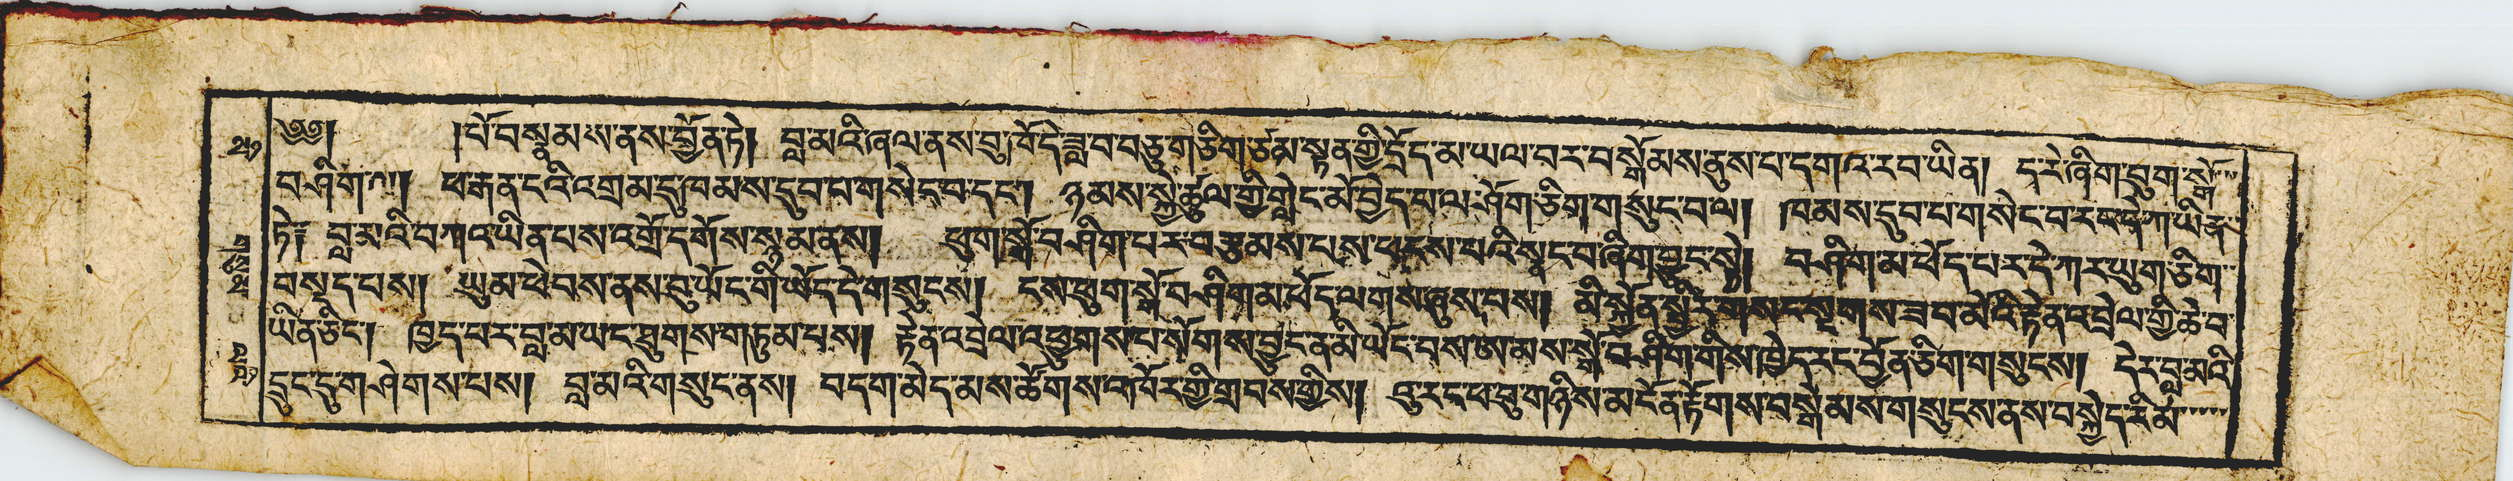པོ་བསྣམས་ནས་བྱོན་ཏེ། བླ་མའི་ཞལ་ནས་བུ་ཁོ་དེ་ཟླ་བ་བཅུ་གཅིག་ཙམ་སྟན་གྱི་དྲོད་མ་ཡལ་བར་བསྒོམས་ནུས་པ་དགའ་རབ་ཡིན། ད་རེ་ཞིག་བུག་སྒོ་
བཤིག་ལ། ཕ་རྒན་ངའི་འགྲམ་དུ་ཁམས་དུབ་པ་གསེང་བ་དང་། ཉམས་སྐྱེ་ཚུལ་གྱི་གླེང་མོ་བྱེད་པ་ལ་ཤོག་ཅིག་གསུང་བ་ལ། ཁམས་དུབ་པ་གསེང་བ་རང་དེ་ཀ་ཡིན་
ཏེ༑ བླ་མའི་བཀའ་ཡིན་པས་འགྲོ་དགོས་སྙམ་ནས། ཕུག་སྒོ་བཤིག་པར་བརྩམས་པས་ཕངས་པའི་སྣང་བ་ཞིག་བྱུང་སྟེ། བཤིག་མ་ཕོད་པར་དེ་ཀར་ཡུག་ཅིག་
བསྡད་པས། ཡུམ་ཕེབས་ནས་བུ་ཡོང་གི་ཡོད་དེ་གསུངས། ངས་ཕུག་སྒོ་བཤིག་མ་ཡོད་ལགས་ཞུས་པས། མི་སྐྱོན། སྤྱིར་གསང་སྔགས་ཟབ་མོའི་རྟེན་འབྲེལ་གྱི་ཆེ་བ་
ཡིན་ཅིང་། ཁྱད་པར་བླ་མ་ཡང་ཐུགས་གཏུམ་པས། རྟེན་འབྲེལ་འཕྱུགས་པ་སོགས་བྱུང་ན་མི་ཡོང་བས་ཨ་མས་སྒོ་བཤིག་གིས་ཁྱེད་རང་བྱོན་ཅིག་གསུངས། དེར་བླ་མའི་
དྲུང་དུ་གཤེགས་པས། བླ་མའི་གསུང་ནས། བདག་མེད་མས་ཚོགས་འཁོར་གྱི་གྲབས་གྱིས། བུ་རང་ཕ་བུ་གཉིས་མངོན་རྟོགས་བསྒོམས་གསུངས་ནས་བསྐྱེད་རིམ་